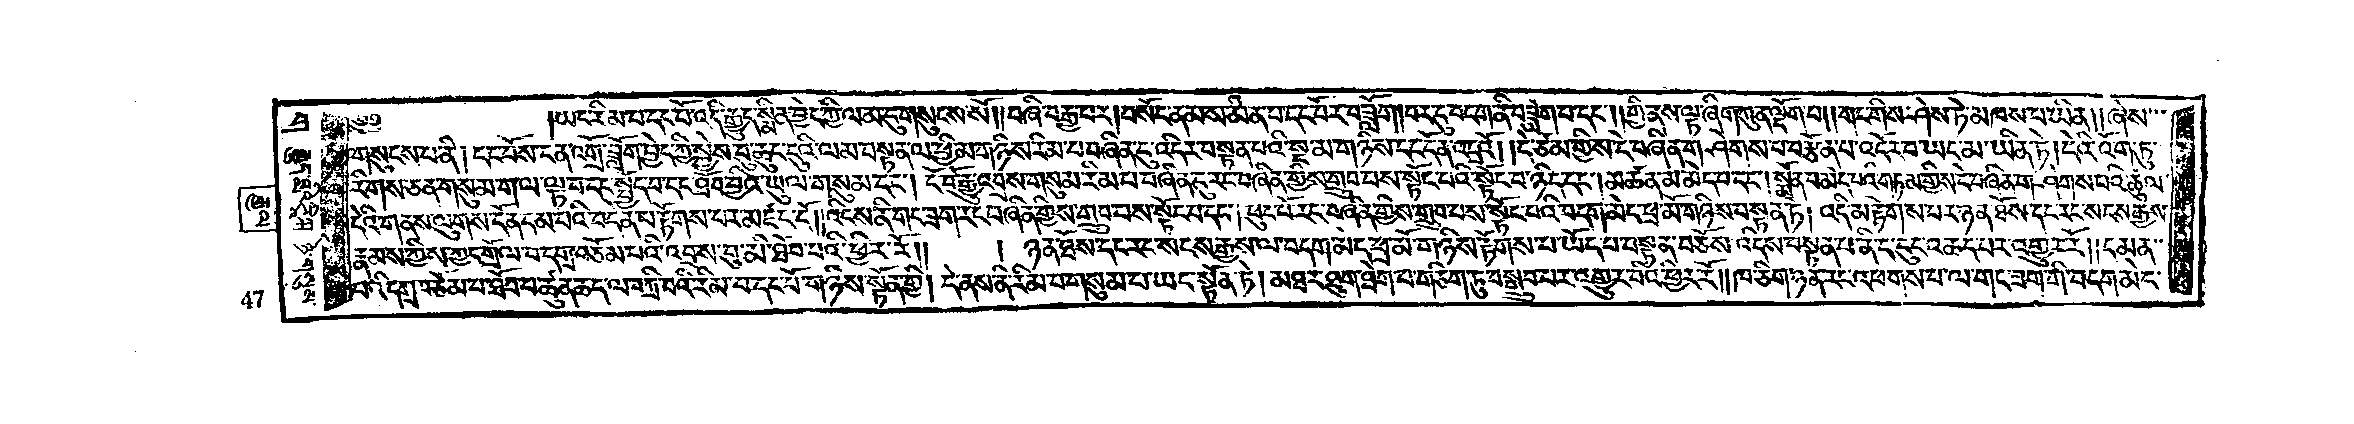༄༅། །ཡང་རིམ་པ་དང་པོ་འདི་རྒྱུད་སྨིན་བྱེད་ཀྱི་ལམ་དུ་གསུངས་སོ། །བཞི་བརྒྱ་པར། བསོད་ནམས་མིན་པ་དང་པོར་བཟློག །བར་དུ་བདག་ནི་བཟློག་པ་དང་། །གྱི་ནས་ལྟ་ཞིག་ཀུན་ལྡོག་པ། །གང་གིས་ཤེས་ཏེ་མཁས་པ་ཡིན། །ཞེས་
གསུངས་པ་ནི། དང་པོས་ངན་འགྲོ་ཟློག་བྱེད་ཀྱི་སྐྱེས་བུ་ཆུང་ངུའི་ལམ་བསྟན་ལ་ཕྱི་མ་གཉིས་རིམ་པ་བཞིན་དུ་འདིར་བསྟན་པའི་སྔ་མ་གཉིས་དང་དོན་འདྲའོ། །དེ་ཙམ་གྱིས་དེ་བཞིན་གཤེགས་པ་བརྩོན་པ་འདོར་བ་ཡང་མ་ཡིན་ཏེ། དེའི་འོག་ཏུ་
རིགས་ཅན་གསུམ་ག་ལ་ལྟ་བ་དང་སྤྱོད་པ་དང་ཐོབ་བྱའི་ཡུལ་གསུམ་དང་། ངོ་བོ་རྒྱུ་འབྲས་གསུམ་རིམ་པ་བཞིན་དུ་རང་བཞིན་གྱིས་གྲུབ་པས་སྟོང་པའི་སྟོང་པ་ཉིད་དང་། མཚན་མ་མེད་པ་དང་། སྨོན་པ་མེད་པའི་གཏམ་གྱིས་དེ་བཞིན་གཤེགས་པའི་ཚུལ་
དེའི་གནས་ལུགས་དོན་དམ་པའི་བདེན་པ་རྟོགས་པར་མཛད་དོ། །འདིས་ནི་གང་ཟག་རང་བཞིན་གྱིས་གྲུབ་པས་སྟོང་པ་དང་། ཕུང་པོ་རང་བཞིན་གྱིས་གྲུབ་པས་སྟོང་པའི་བདག་མེད་ཕྲ་མོ་གཉིས་བསྟན་ཏོ། འདི་མ་རྟོགས་པར་ཉན་ཐོས་དང་རང་སངས་རྒྱས་
རྣམས་ཀྱིས་ཀྱང་གྲོལ་བ་དགྲ་བཅོམ་པའི་འབྲས་བུ་མི་ཐོབ་པའི་ཕྱིར་རོ།། །ཉན་ཐོས་དང་རང་སངས་རྒྱས་ལ་བདག་མེད་ཕྲ་མོ་གཉིས་རྟོགས་པ་ཡོད་པ་བསྟན་བཅོས་འདིས་བསྟན་པ་ནི་ད་དུང་འཆད་པར་འགྱུར་རོ། །དམན་
པའི་དགྲ་བཅོམ་པ་ཐོབ་པ་ཚུན་ཆད་ལ་བཀྲི་བའི་རིམ་པ་དང་པོ་གཉིས་སྟོན་གྱི། དེ་ནས་ནི་རིམ་པ་གསུམ་པ་ཡང་སྟོན་ཏེ། མཐར་ཐུག་ཐེག་པ་གཅིག་ཏུ་བསྒྲུབ་པར་འགྱུར་བའི་ཕྱིར་རོ། །ཁ་ཅིག་ཉན་རང་འཕགས་པ་ལ་གང་ཟག་གི་བདག་མེད་